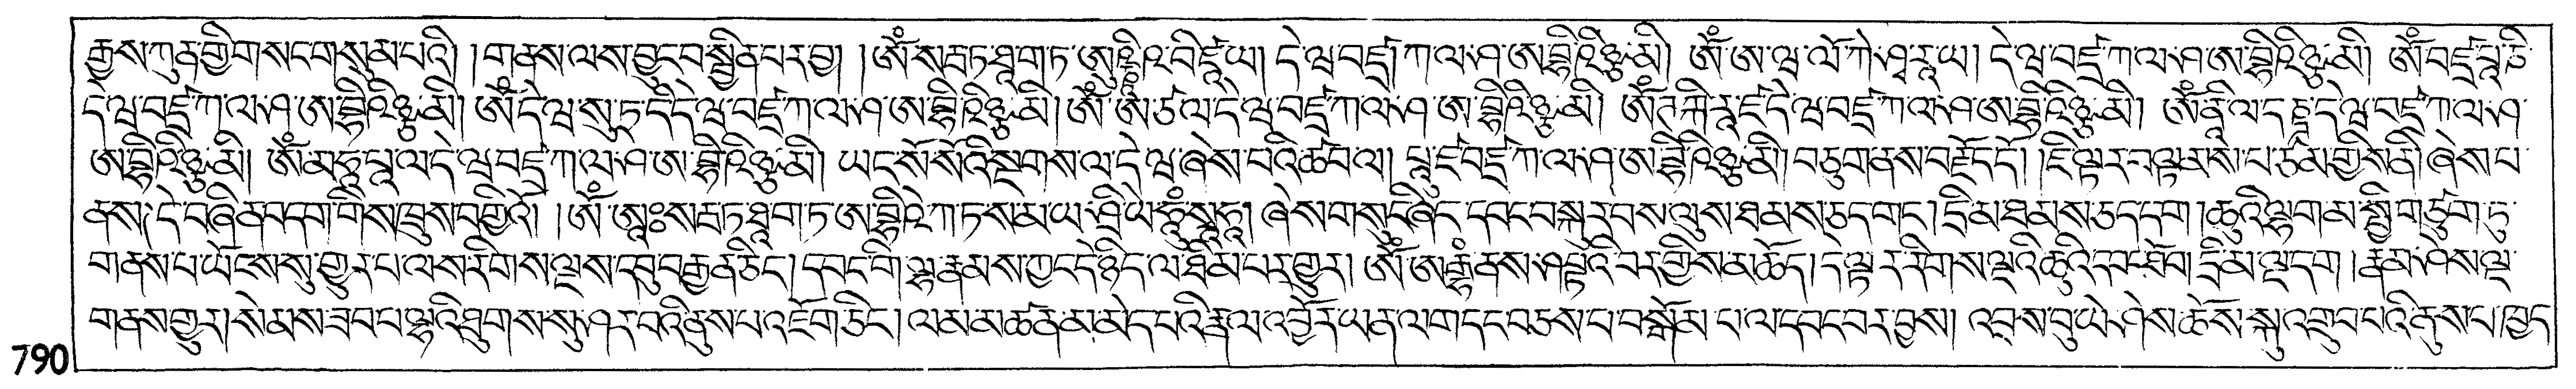རྒྱས་ཀུན་གྱི་གསང་གསུམ་པའི། །གནས་ལས་བྱུང་བ་སྦྱིན་པར་བྱ། །ཨོཾ་སརྦ་ཏ་ཐཱ་ག་ཏ་ཨུཥྞཱི་ཥ་བིཛཱ་ཡ། དེ་ཝ་བཛྲ། ཀ་ལ་ཤ་ཨ་བྷི་ཥི་ཉྩ་མི། ཨོཾ་ཨ་ཝ་ལོ་ཀེ་ཤྭ་རཱ་ཡ། དེ་ཝ་བཛྲ་ཀ་ལ་ཤ་ཨ་བྷིཥི་ཉྩ་མི། ཨོཾ་བཛྲ་པཱ་ཎི་
དེ་ཝ་བཛྲ་ཀ་ལ་ཤ་ཨ་བྷིཥི་ཉྩ་མི། ཨོཾ་དེ་ཝ་སུ་ཏྲ་དི་དེ་ཝ་བཛྲ་ཀ་ལ་ཤ་ཨ་བྷི་ཥི་ཉྩ་མི། ཨོཾ་ཨ་ཙལ་དེ་ཝ་བཛྲ་ཀ་ལ་ཤ་ཨ་བྷིཥི་ཉྩ་མི། ཨོཾ་ཊཀྐི་རཱ་ཛ་དེ་ཝ་བཛྲ་ཀ་ལ་ཤ་ཨ་བྷི་ཥི་ཉྩ་མི། ཨོཾ་ནཱི་ལ་ད་ཎྜ་དེ་ཝ་བཛྲ་ཀ་ལ་ཤ་
ཨ་བྷིཥི་ཉྩ་མི། ཨོཾ་མཧཱ་པཱ་ལ་དེ་ཝ་བཛྲ་ཀ་ལ་ཤ་ཨ་བྷིཥི་ཉྩ་མི། ཡང་སོ་སོའི་སྔགས་ལ་དེ་ཝ་ཞེས་པའི་ཚབ་ལ། པཱུ་ཛ་བཛྲ་ཀ་ལ་ཤ་ཨ་བྷིཥི་ཉྩ་མི། བཅུག་ནས་བརྗོད་དོ། །ཇི་ལྟར་བལྟམས་པ་ཙམ་གྱིས་ནི། ཞེས་པ་
ནས༑ དེ་བཞིན་བདག་གིས་ཁྲུས་བགྱིའོ། །ཨོཾ་ཨཱཿ སརྦ་ཏ་ཐཱ་ག་ཏ་ཨ་བྷིཥེ་ཀ་ཏ་ས་མ་ཡ་ཤྲི་ཡེ་ཧཱུཾ་སྭཱཧཱ། ཞེས་གསུང་ཞིང་དབང་བསྐུར་བས་ལུས་ཐམས་ཅད་གང་། དྲི་མ་ཐམས་ཅད་དག །ཆུའི་ལྷག་མ་སྤྱི་གཙུག་ཏུ་
གནས་པ་ཡོངས་སུ་གྱུར་པ་ལས་རིགས་ལྔས་དབུ་བརྒྱན་ཅིང་། དབང་གི་ལྷ་རྣམས་ཀྱང་དེ་ཉིད་ལ་ཐིམ་པར་གྱུར། ཨོཾ་ཨརྒྷཾ་ནས་ཤཔྟའི་བར་གྱིས་མཆོད། དེ་ལྟར་རིགས་ལྔའི་ཆུའི་དབང་ཐོབ། དྲི་མ་ལྔ་དག །རྣམ་ཤེས་ལྔ་
གནས་གྱུར། སེམས་ཟབ་པ་ལྷའི་ཐུགས་སུ་ཤར་བའི་ནུས་པ་འཇོག་ཅིང་། ལམ་མཚན་མ་མེད་པའི་རྣལ་འབྱོར་ཡན་ལག་དང་བཅས་པ་བསྒོམ་པ་ལ་དབང་བར་བྱས། འབྲས་བུ་ཡེ་ཤེས་ཆོས་སྐུ་འགྲུབ་པའི་ནུས་པ་ཁྱད་